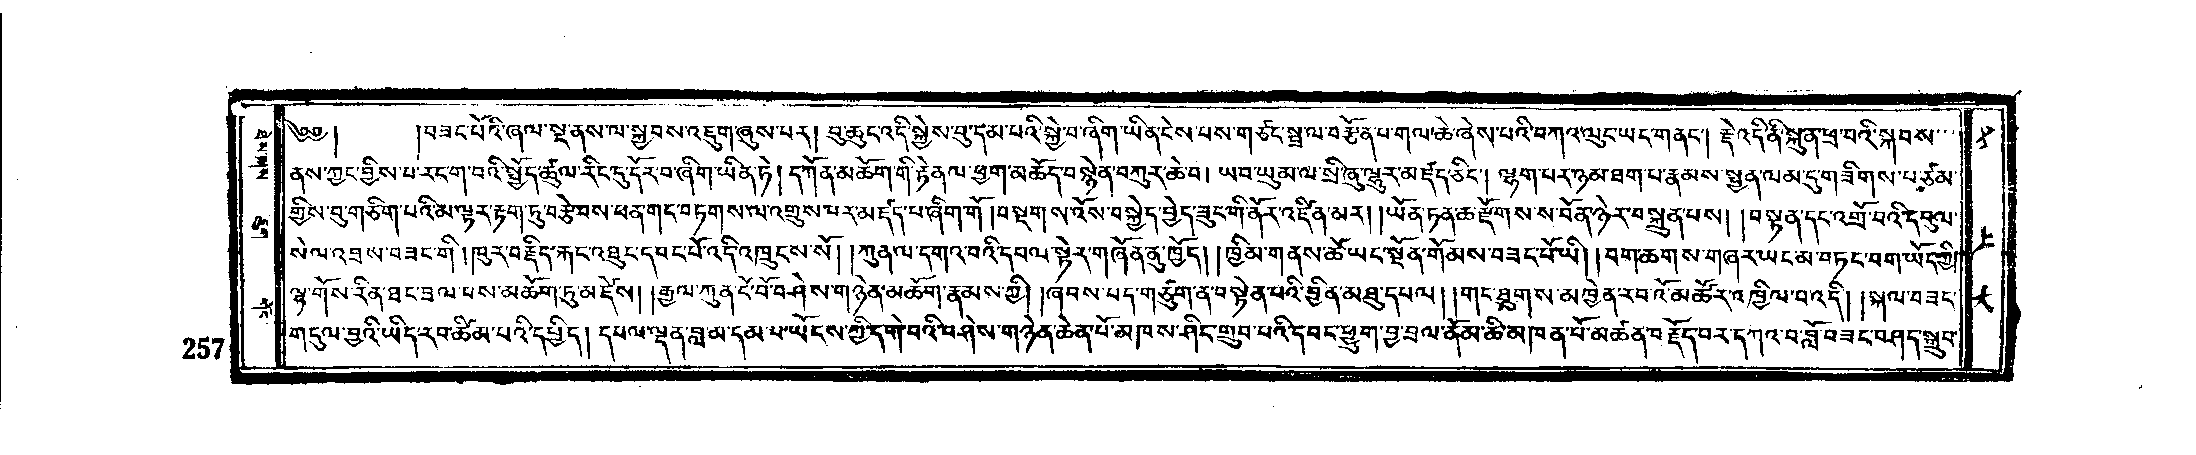༄༅། །བཟང་པོའི་ཞལ་སྔ་ནས་ལ་སྐྱབས་འཇུག་ཞུས་པར། བུ་ཆུང་འདི་སྐྱེས་བུ་དམ་པའི་སྐྱེ་བ་ཞིག་ཡིན་ངེས་པས་གཙང་སྦྲ་ལ་བརྩོན་པ་གལ་ཆེ་ཞེས་པའི་བཀའ་ལུང་ཡང་གནང་། རྗེ་འདི་ནི་སྐུ་ན་ཕྲ་བའི་སྐབས་
ནས་ཀྱང་བྱིས་པ་རང་ག་བའི་སྤྱོད་ཚུལ་རིང་དུ་དོར་བ་ཞིག་ཡིན་ཏེ། དཀོན་མཆོག་གི་རྟེན་ལ་ཕྱག་མཆོད་བསྙེན་བཀུར་ཆེ་བ། ཡབ་ཡུམ་ལ་སྲི་ཞུ་ལྷུར་མཛད་ཅིང་། ལྷག་པར་ཉམ་ཐག་པ་རྣམས་སྤྱན་ལམ་དུ་གཟིགས་པ་ཙམ་
གྱིས་བུ་གཅིག་པའི་མ་ལྟར་རྟག་ཏུ་བརྩེབས་ཕན་གང་བཏགས་ལ་འགྲུས་པར་མཛད་པ་ཞིག་གོ །བསྔགས་འོས་བསྐྱེད་བྱེད་ཟུང་གི་ནོར་འཛིན་མར། །ཡོན་ཏན་ཆ་རྫོགས་ས་བོན་ཉེར་བསྐྲུན་པས། །བསྟན་དང་འགྲོ་བའི་དབུལ་
སེལ་འབྲས་བཟང་གི། ཁུར་བརྗིད་རྐང་འཐུང་དབང་པོ་འདི་འཁྲུངས་སོ། །ཀུན་ལ་དགའ་བའི་དཔལ་སྟེར་གཞོན་ནུ་ཁྱོད། །ཁྱིམ་གནས་ཚེ་ཡང་སྔོན་གོམས་བཟང་པོ་ཡི། །བག་ཆགས་གཞར་ཡང་མ་བཏང་བག་ཡོད་ཀྱི།
ལྷ་གོས་རིན་ཐང་བྲལ་པས་མཆོག་ཏུ་མཛེས། །རྒྱལ་ཀུན་ངོ་བོ་བཤེས་གཉེན་མཆོག་རྣམས་ཀྱི། །ཞབས་པད་གཙུག་ན་བསྟེན་པའི་བྱིན་མཐུ་དཔལ། །གང་ཐུགས་མཁྱེན་རབ་འོ་མཚོར་འཁྱིལ་བ་འདི། །སྐལ་བཟང་
གདུལ་བྱའི་ཡིད་རབ་ཚིམ་པའི་དཔྱིད། དཔལ་ལྡན་བླ་མ་དམ་པ་ཡོངས་ཀྱི་དགེ་བའི་བཤེས་གཉེན་ཆེན་པོ་མཁས་ཤིང་གྲུབ་པའི་དབང་ཕྱུག་བྱ་བྲལ་ནོམ་ཆི་མཁན་པོ་མཚན་བརྗོད་པར་དཀའ་བ་བློ་བཟང་བཤད་སྒྲུབ་